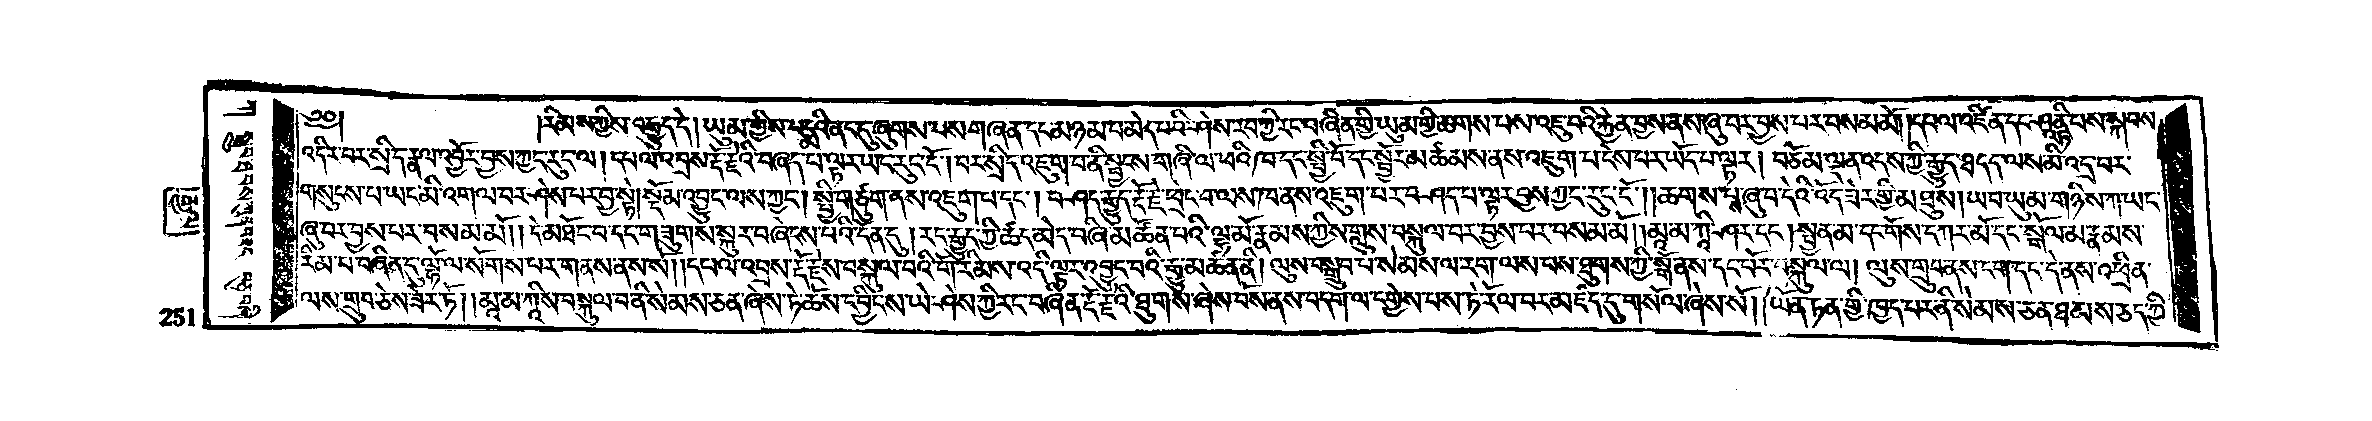༄༅། །རིམས་ཀྱིས་བརྒྱུད་དེ། ཡུམ་གྱིས་པདམའི་ནང་དུ་ཞུགས་པས་གཞན་དང་མཉམ་པ་མེད་པའི་ཤེས་རབ་ཀྱི་རང་བཞིན་གྱི་ཡུམ་གྱི་ཆགས་པས་འཇུ་བའི་རྐྱེན་བྱས་ནས་ཞུ་བར་བྱས་པར་བསམ་མོ། །དཔལ་འཛིན་དང་ཤཱནཏི་པས་སྐབས་
འདིར་བར་སྲིད་རྣལ་འབྱོར་བྱས་ཀྱང་རུང་ལ། དཔལ་འབྲས་རྡོ་རྗེའི་བཞད་པ་ལྟར་ཡང་རུང་ངོ། བར་སྲིད་འཇུག་པ་ནི་སྦྱངས་གཞི་ལ་ཕའི་ཁ་དང་སྤྱི་བོ་དང་སྦྱོར་མཚམས་ནས་འཇུག་པ་ངེས་པར་ཡོད་པ་ལྟར། བཅོམ་ལྡན་འདས་ཀྱི་རྒྱུད་ཐ་དད་ལས་མི་འདྲ་བར་
གསུངས་པ་ཡང་མི་འགལ་བར་ཤེས་པར་བྱ་སྟེ། སྡོམ་འབྱུང་ལས་ཀྱང་། སྤྱི་གཙུག་ནས་འཇུག་པ་དང་། བཤད་རྒྱུད་རྡོ་རྗེ་ཕྲེང་བ་ལས་ཁ་ནས་འཇུག་པར་བཤད་པ་ལྟར་བྱས་ཀྱང་རུང་ངོ། །ཆགས་པས་ཞུ་བ་དེའི་འོད་ཟེར་གྱི་མཐུས། ཡབ་ཡུམ་གཉིས་ཀ་ཡང་
ཞུ་བར་བྱས་པར་བསམ་མོ། །དེ་མཐོང་བ་དང་གཟུགས་སྐུར་བཞེངས་པའི་དོན་དུ། རང་རྒྱུད་ཀྱི་ཚད་མེད་བཞི་མཚོན་པའི་ལྷ་མོ་རྣམས་ཀྱིས་གླུས་བསྐུལ་བར་བྱས་པར་བསམ་མོ། །མཱ་མ་ཀཱི་ཤར་དང་། སྤྱན་མ་དང་གོས་དཀར་མོ་དང་སྒོལ་མ་རྣམས་
རིམ་པ་བཞིན་དུ་ལྷོ་ལ་སོགས་པར་གནས་ནས་སོ། །དཔལ་འབྲས་རྡོ་རྗེས་བསྐུལ་བའི་གོ་རིམས་འདི་ལྟར་འབྱུང་བའི་རྒྱུ་མཚན་ནི། ལུས་བསྒྲུབ་པ་སེམས་ལ་རག་ལས་པས་ཐུགས་ཀྱི་སྒོ་ནས་དང་པོར་བསྐུལ་ལ། ལུས་གྲུབ་ནས་ངག་དང་དེ་ནས་འཕྲིན་
ལས་གྲུབ་ཅེས་ཟེར་ཏོ། །མཱ་མ་ཀཱིས་བསྐུལ་བ་ནི་སེམས་ཅན་ཞེས་ཏེ་ཆོས་དབྱིངས་ཡེ་ཤེས་ཀྱི་རང་བཞིན་རྡོ་རྗེའི་ཐུགས་ཞེས་པོས་ནས་བདག་ལ་དགྱེས་པས་ཏེ་རོལ་བར་མཛད་དུ་གསོལ་ཞེས་སོ། །ཡོན་ཏན་གྱི་ཁྱད་པར་ནི་སེམས་ཅན་ཐམས་ཅད་ཀྱི་